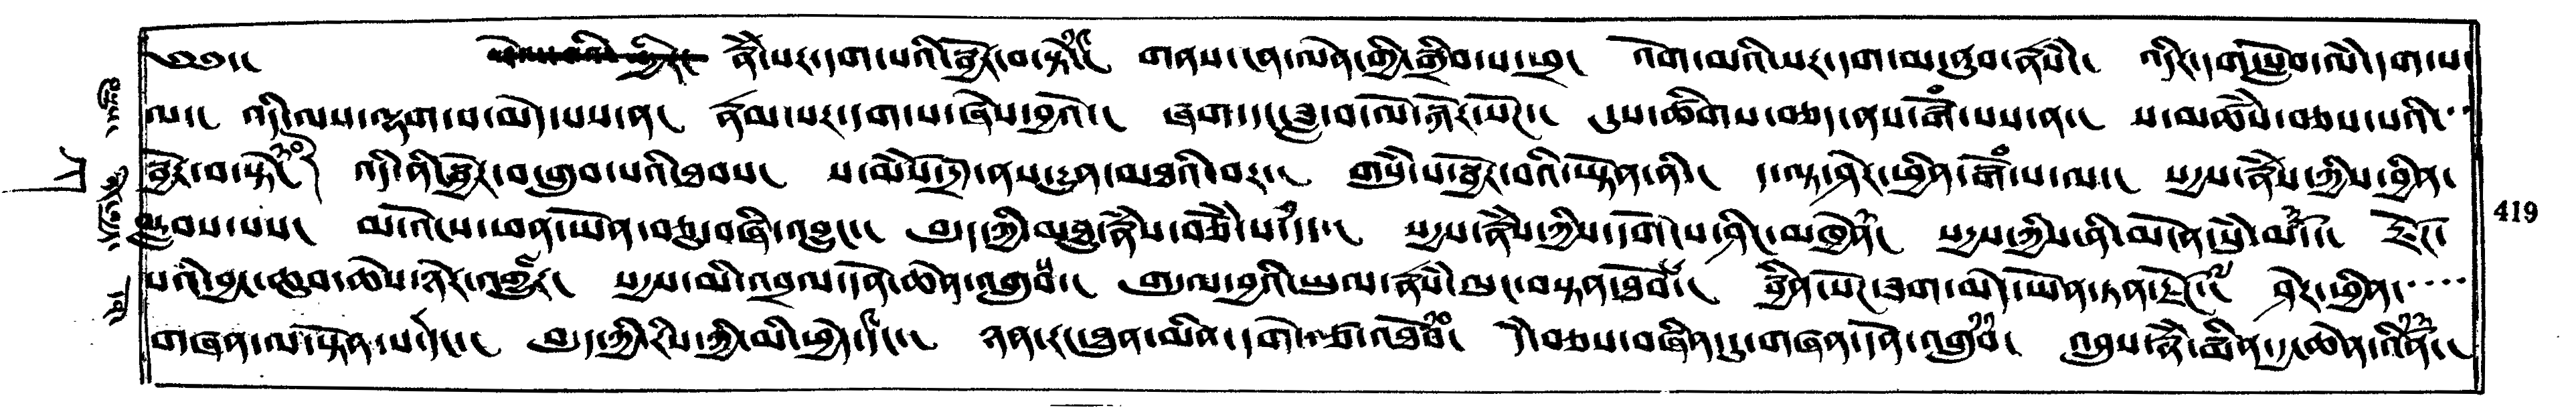།རྣམ་པར་དག་པའི་སྦྱོར་བ་སྟེ། །གནས་ངན་ལེན་གྱི་སྒྲིབ་པ་ཕྲ། །འོག་མའི་སར་དག་མ་ནུས་རྣམས། །འདིར་དག་སློབ་ལམ་དག་པ་
ལ། །འདི་ལས་ལྷག་པ་མེད་པས་ན། །རྣམ་པར་དག་པ་ཞེས་བྱའོ། །ཞག་དང་ཟླ་བ་ལོ་སྐོར་སོགས། །དུས་ཚིགས་བཅད་ནས་སྒོམ་པས་ན། །ས་མཚམས་བཅས་པའི་
སྦྱོར་བའི་སྟེང་། །འདི་ནི་སྦྱོར་བ་གྲུབ་པའི་ཐབས། །ས་མཚམས་དྲོད་ནས་རྒྱུན་མཐའི་བར། །གསུམ་པ་སྦྱོར་བའི་ཡོན་ཏན་ནི། །ད་ལྟ་ཤེར་ཕྱིན་སྒོམ་པ་ལ། །སངས་རྒྱས་རྣམས་ཀྱིས་བྱིན་
བརླབས་པས། །མ་འོངས་ཕན་ཡོན་བཅུ་བཞི་འབྱུང་། །བདུད་ཀྱི་མཐུ་རྣམས་བཅོམ་པ་དང་། །སངས་རྒྱས་རྣམས་ཀྱིས་དགོངས་ཤིང་མཁྱེན། །སངས་རྒྱས་ཀྱིས་ནི་མངཽན་སུམ་མཛད། །རྫོགས་
པའི་བྱང་ཆུབ་ཆེས་ཉེར་འགྱུར། །སངས་རྒྱས་མི་འབྲལ་དོན་ཆེན་འགྲུབ། །གདུལ་བྱའི་ཡུལ་རྣམས་ལུང་བསྟན་ཐོབ། །སྦྱིན་སོགས་ཟག་མེད་ཡོན་ཏན་རྫོགས། །ཤེར་ཕྱིན་
གཞན་ལ་སྟོན་པ་དང་། །བདུད་ཀྱི་རིས་ཀྱི་མི་ཕྱེད་དང་། །ཉན་རང་ཐུན་མིན་དགེ་རྩ་འཐོབ། །དམ་བཅས་བཞིན་དུ་གཞན་དོན་འགྲུབ། །འབྲས་བུ་རྣམ་སྨིན་རྒྱ་ཆེན་འཛིན།